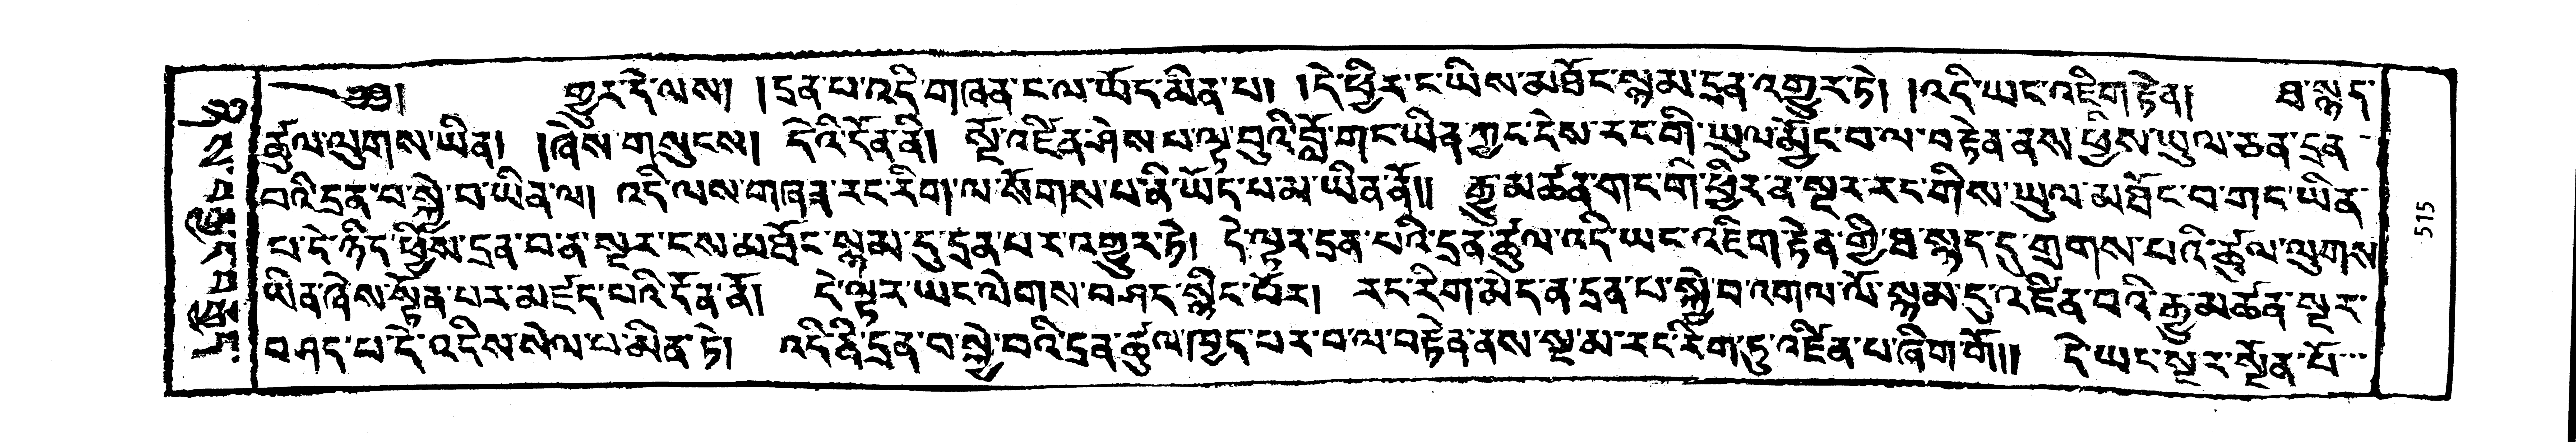༄༅། །གྱུར་དེ་ལས། །དྲན་པ་འདི་གཞན་ང་ལ་ཡོད་མིན་པ། །དེ་ཕྱིར་ང་ཡིས་མཐོང་སྙམ་དྲན་འགྱུར་ཏེ། །འདི་ཡང་འཇིག་རྟེན། ཐ་སྙད་
ཚུལ་ལུགས་ཡིན། །ཞེས་གསུངས། དེའི་དོན་ནི། སྔོ་འཛིན་ཤེས་པ་ལྟ་བུའི་བློ་གང་ཡིན་ཀྱང་དེས་རང་གི་ཡུལ་མྱོང་བ་ལ་བརྟེན་ནས་ཕྱིས་ཡུལ་ཅན་དྲན་
བའི་དྲན་པ་སྐྱེ་བ་ཡིན་ལ། འདི་ལས་གཞན་རང་རིག་ལ་སོགས་པ་ནི་ཡོད་པ་མ་ཡིན་ནོ། །རྒྱུ་མཚན་གང་གི་ཕྱིར་ན་སྔར་རང་གིས་ཡུལ་མཐོང་བ་གང་ཡིན་
པ་དེ་ཉིད་ཕྱིས་དྲན་བ་ན་སྔར་ངས་མཐོང་སྙམ་དུ་དྲན་པར་འགྱུར་ཏེ། དེ་ལྟར་དྲན་པའི་དྲན་ཚུལ་འདི་ཡང་འཇིག་རྟེན་གྱི་ཐ་སྙད་དུ་གྲགས་པའི་ཚུལ་ལུགས་
ཡིན་ཞེས་སྟོན་པར་མཛད་པའི་དོན་ནོ། དེ་ལྟར་ཡང་ལེགས་བཤད་སྙིང་པོར། རང་རིག་མེད་ན་དྲན་པ་སྐྱེ་བ་འགལ་ལོ་སྙམ་དུ་འཛིན་པའི་རྒྱུ་མཚན་སྔར་
བཤད་པ་དེ་འདིས་སེལ་པ་མིན་ཏེ། འདི་ནི་དྲན་བ་སྐྱེ་བའི་དྲན་ཚུལ་ཁྱད་པར་བ་ལ་བརྟེན་ནས་སྔ་མ་རང་རིག་ཏུ་འཛིན་པ་ཞིག་གོ། །དེ་ཡང་སྔར་སྔོན་པོ་